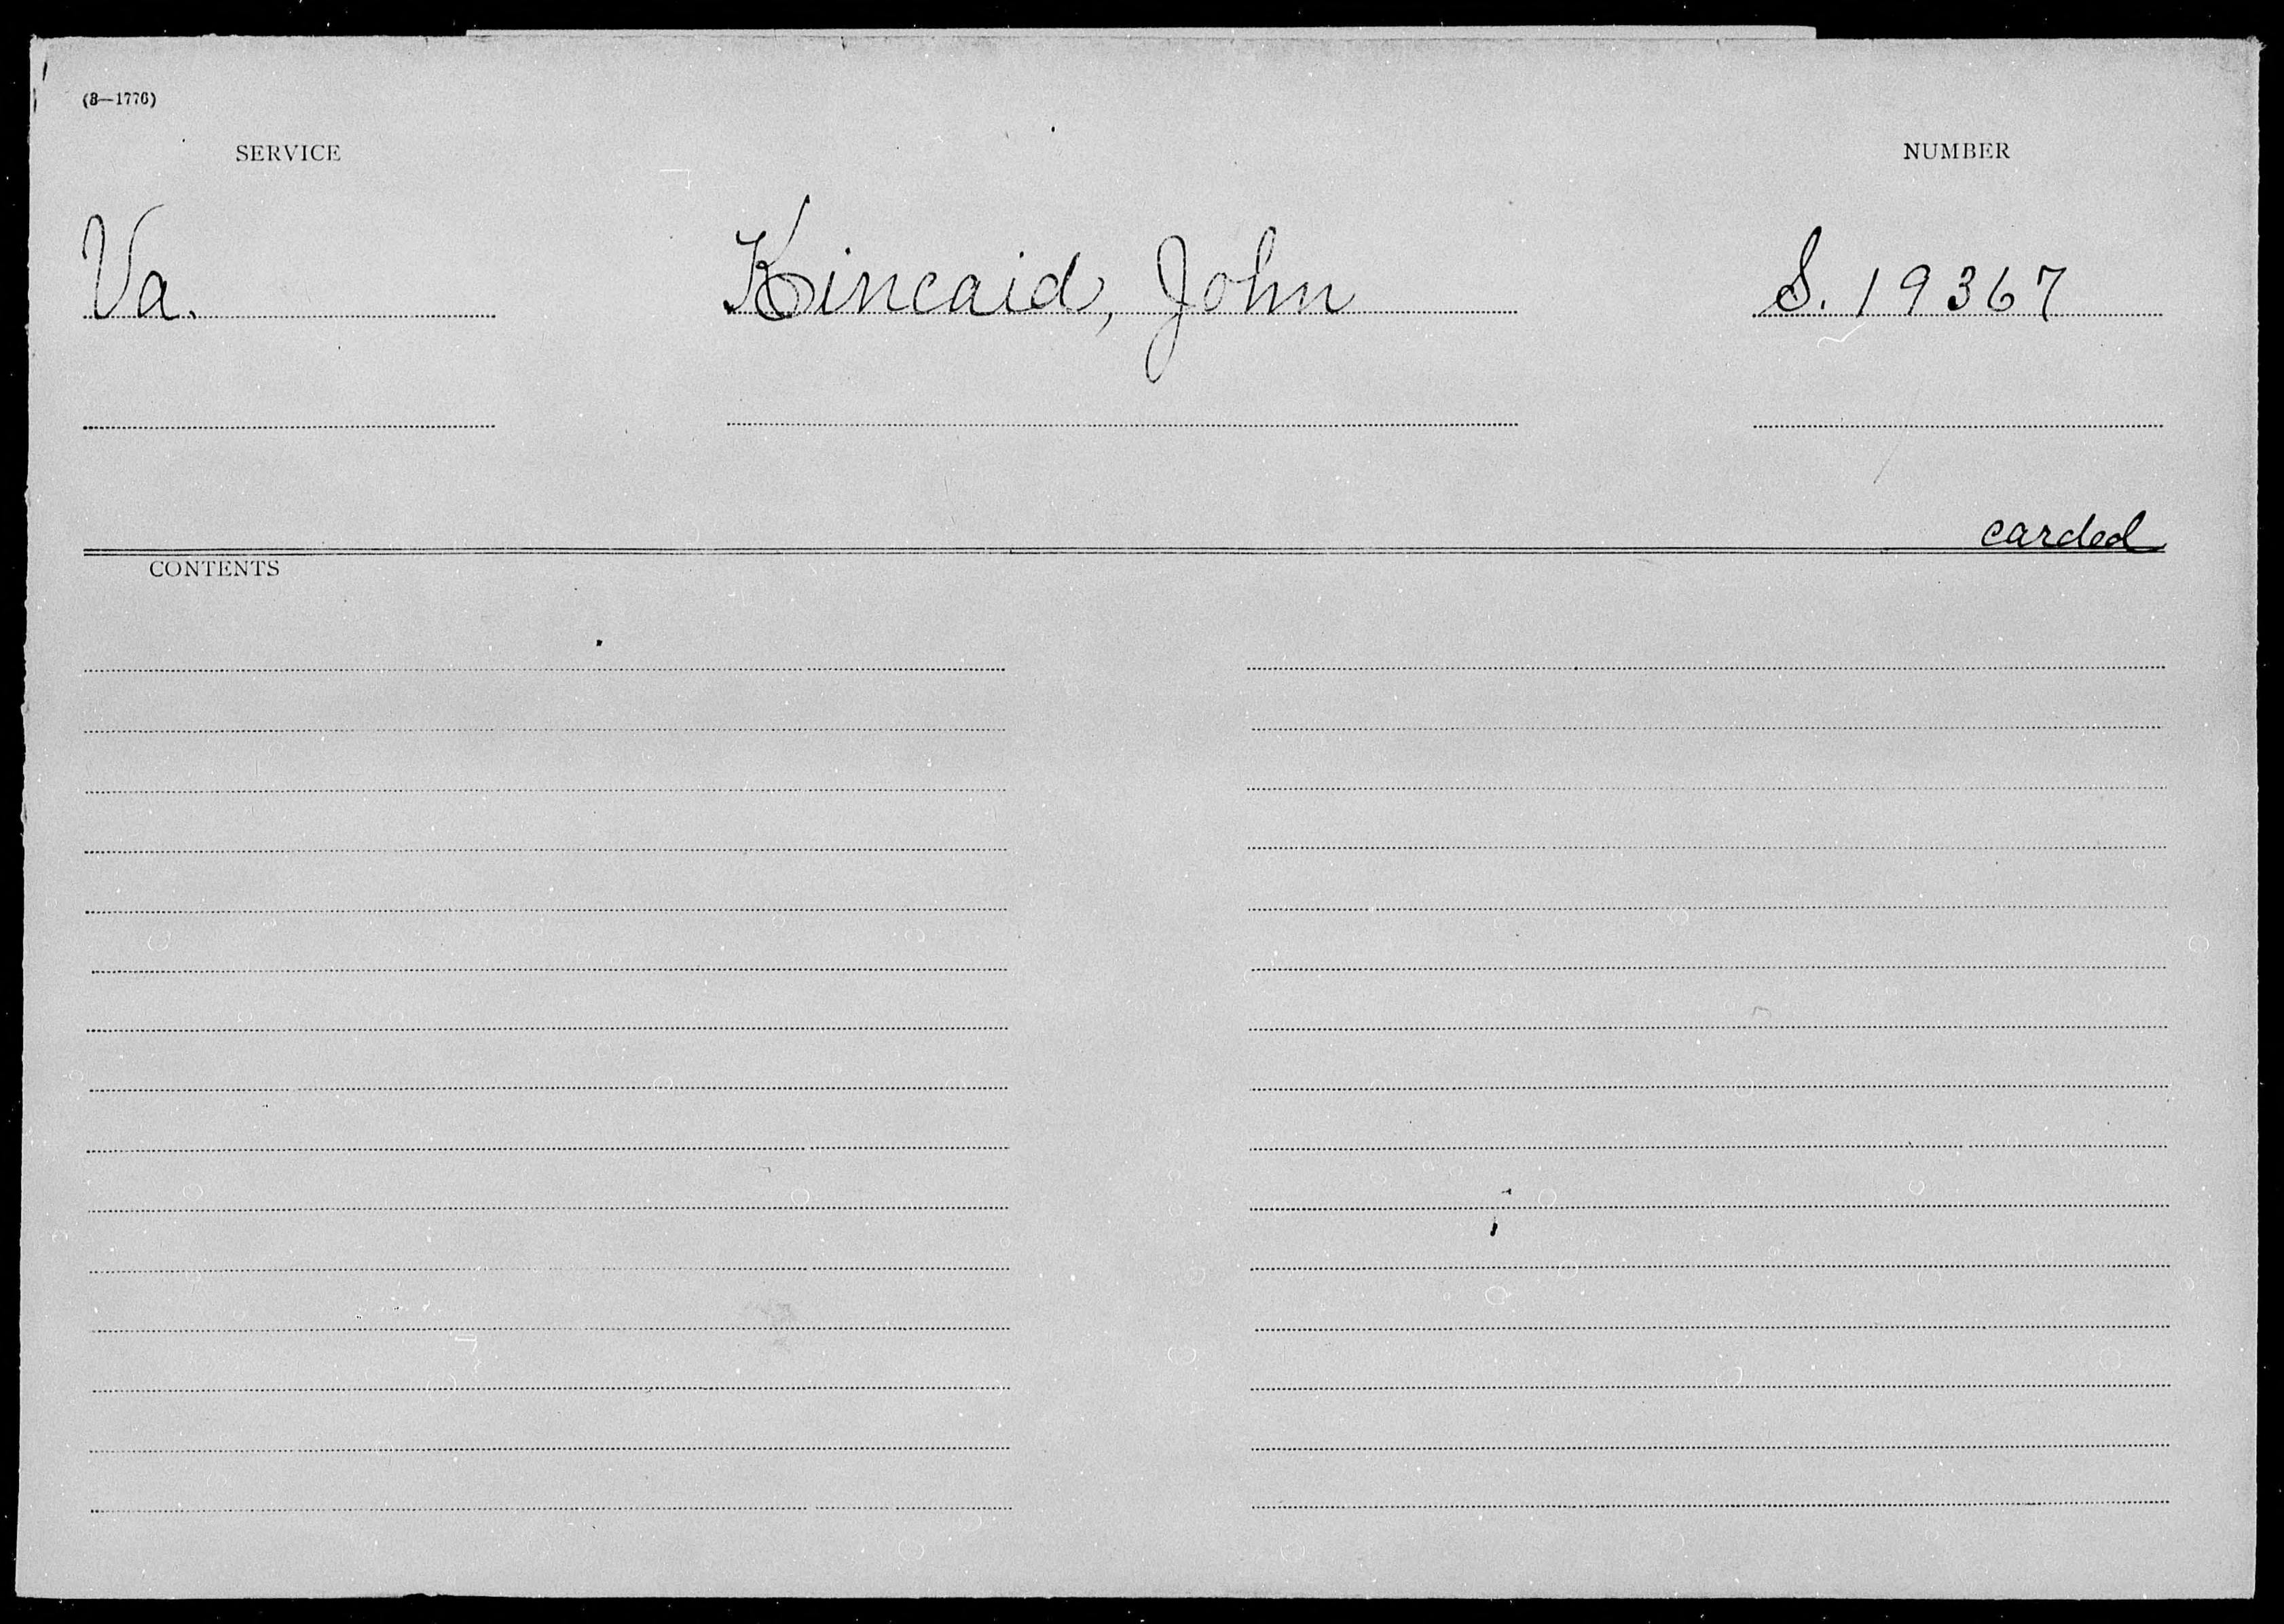Service - Va.


Kincaid, John


Number - S.19367



carded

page: 1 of 33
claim: survivor's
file: S. 19367, for John Kincaid, Virginia